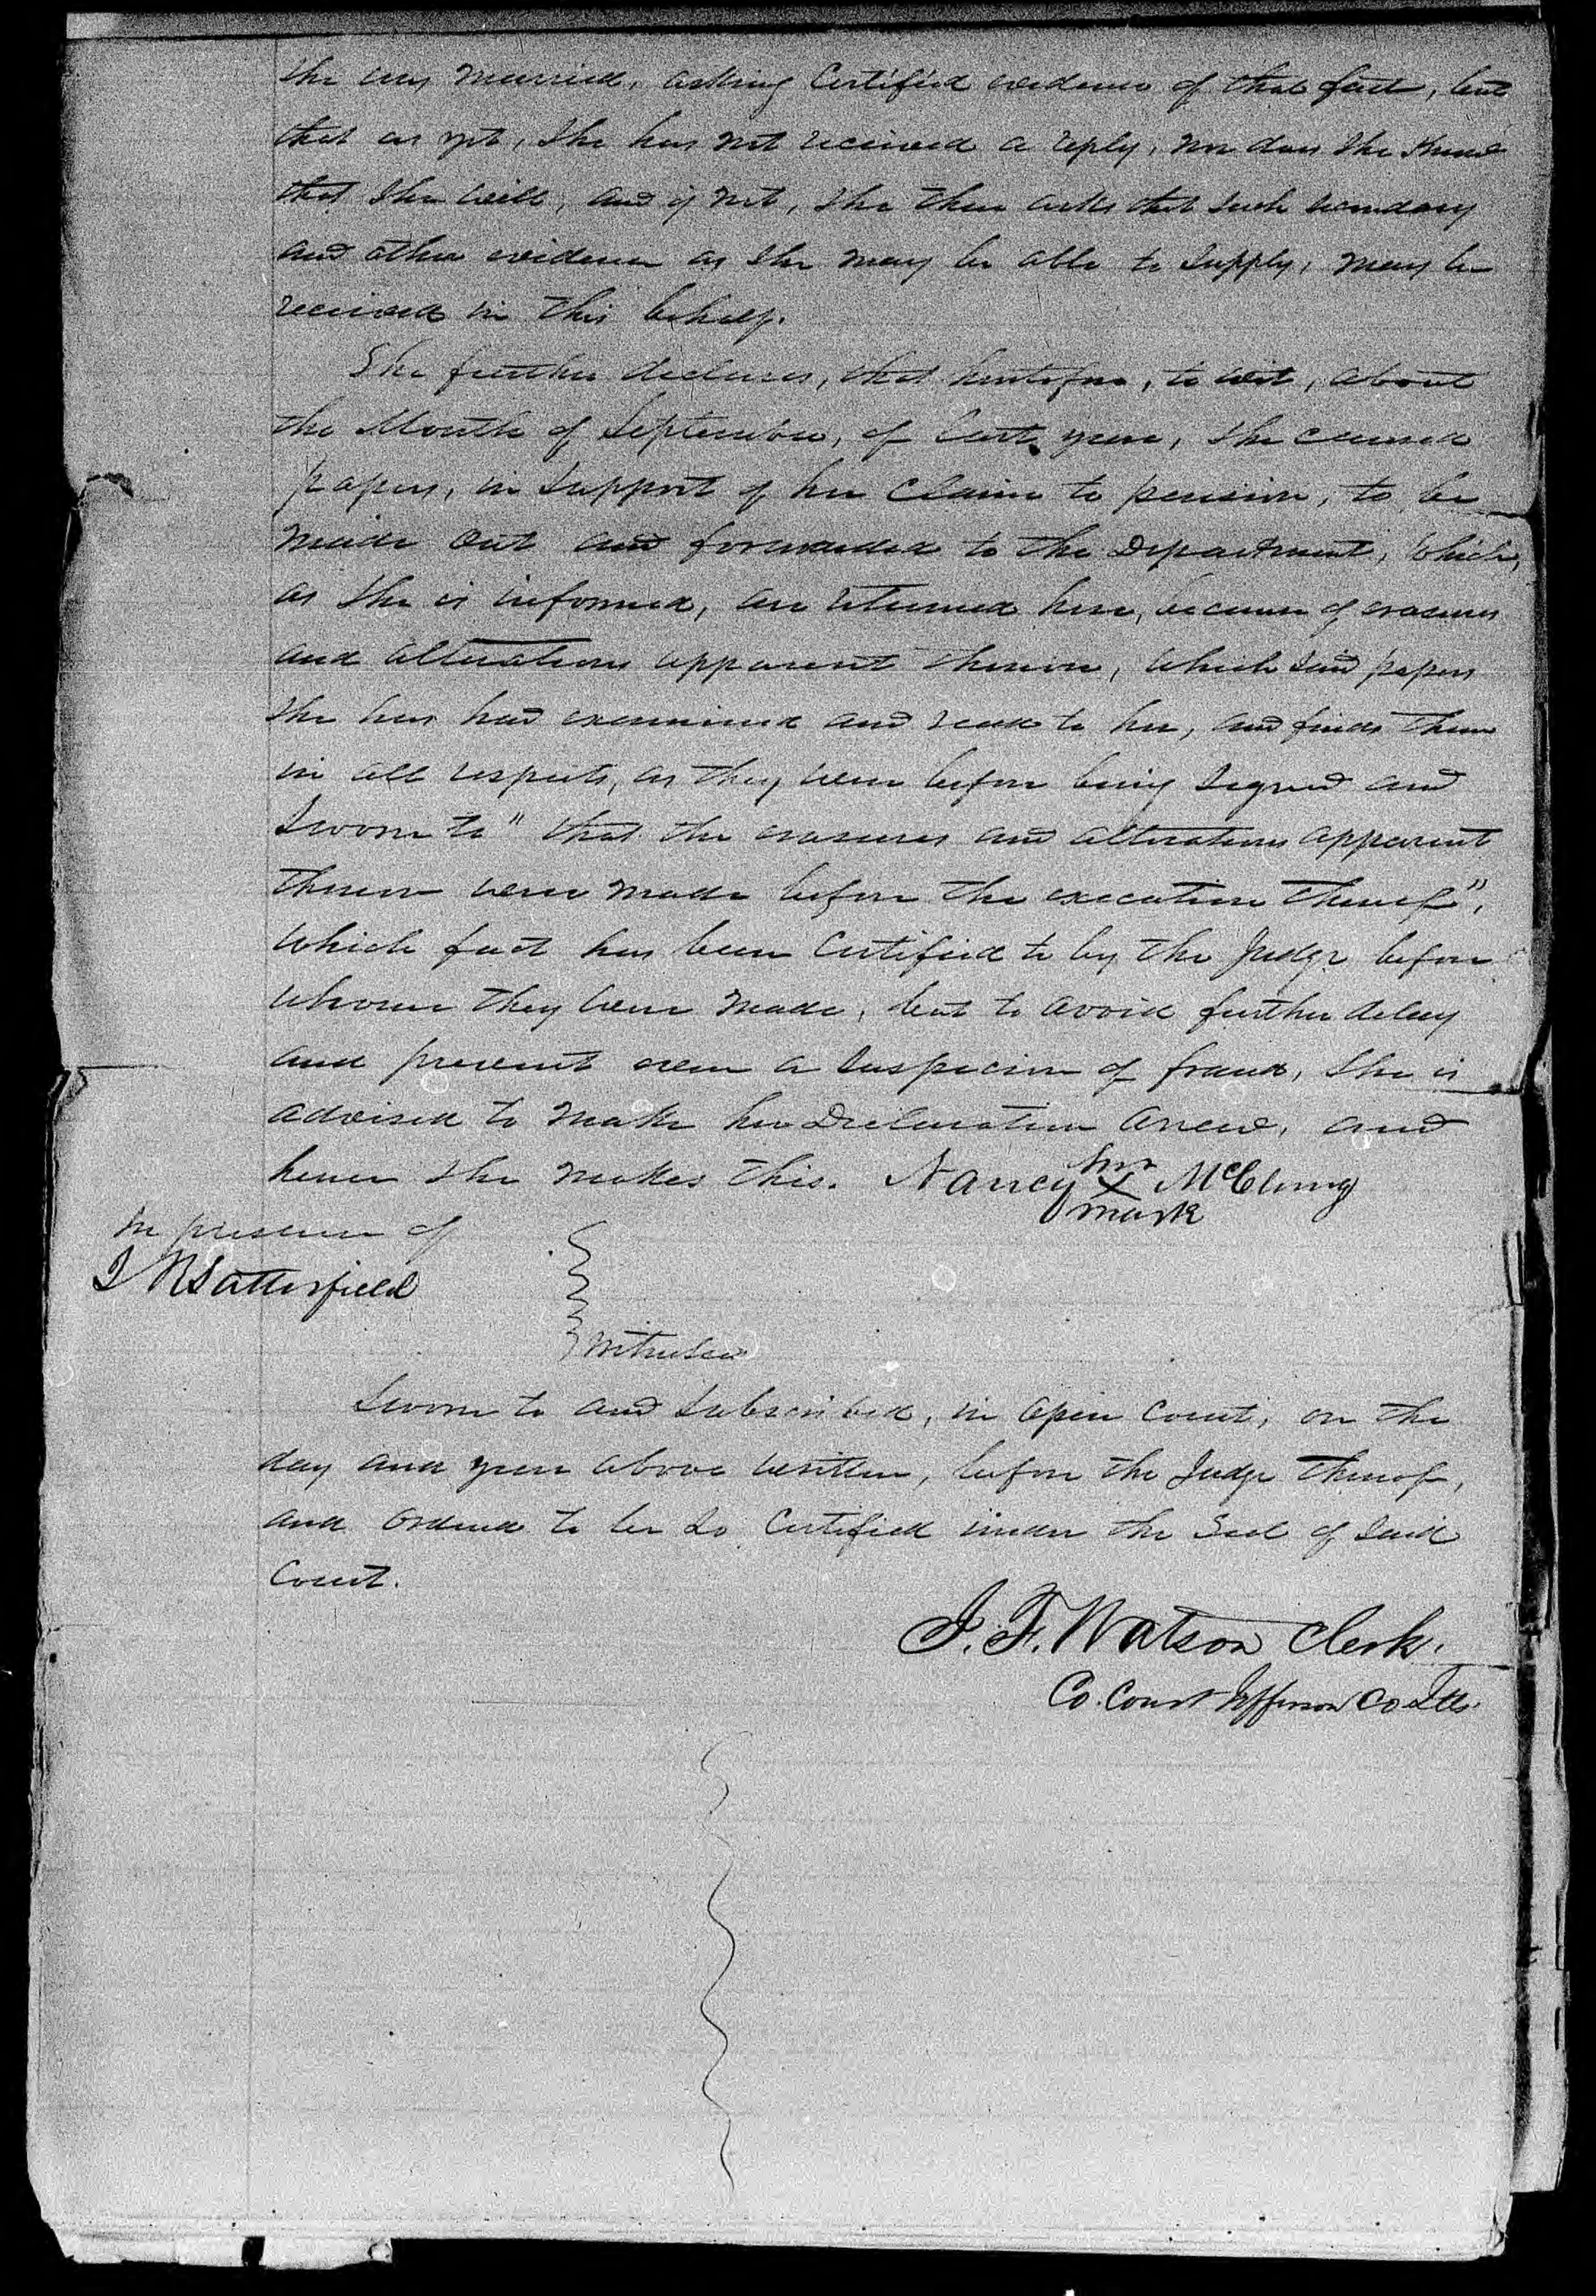she was married, being certified evidence of that fact, but that as yet, She has not received a reply, nor does she know that she will; and if not, the then lacks that such sundry and other evidence as she may be able to supply, may be received in this behalf

She further declares, that heretofore, to wit, about the Month of September, of last year, the caused
papers, in support of her claim to pension, to be made out and forwarded to the Department, which, as she is informed, and retuned here, become of erasures and alterations apparent therein, which said papers she had examined and sent to her, and finds them in all respects, as they were  before being signed and Sworn to, that the erasures and alterations apparent therein had made before the execution thereof, which fact has been certified to by the Judge before whom they been made, but to avoid further delay and prevent or a suspicion of fraud, she is advised to make her Declaration anew, and hence she makes this. 
[signed] Nancy X McClung her mark
in presence of J R Satterfield witness

Sworn to and subscribed in open Court, on the day and year above written, before the Judge thereof
Ordered to be so certified under the Seal of said court.
J. F. Watson Clerk
Co. Court Jefferson Co Ills,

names: J F Watson; J R Satterfield; Nancy Mc Clung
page: 28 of 115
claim: widow's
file: W. 1446, for John Mc Clung, South Carolina